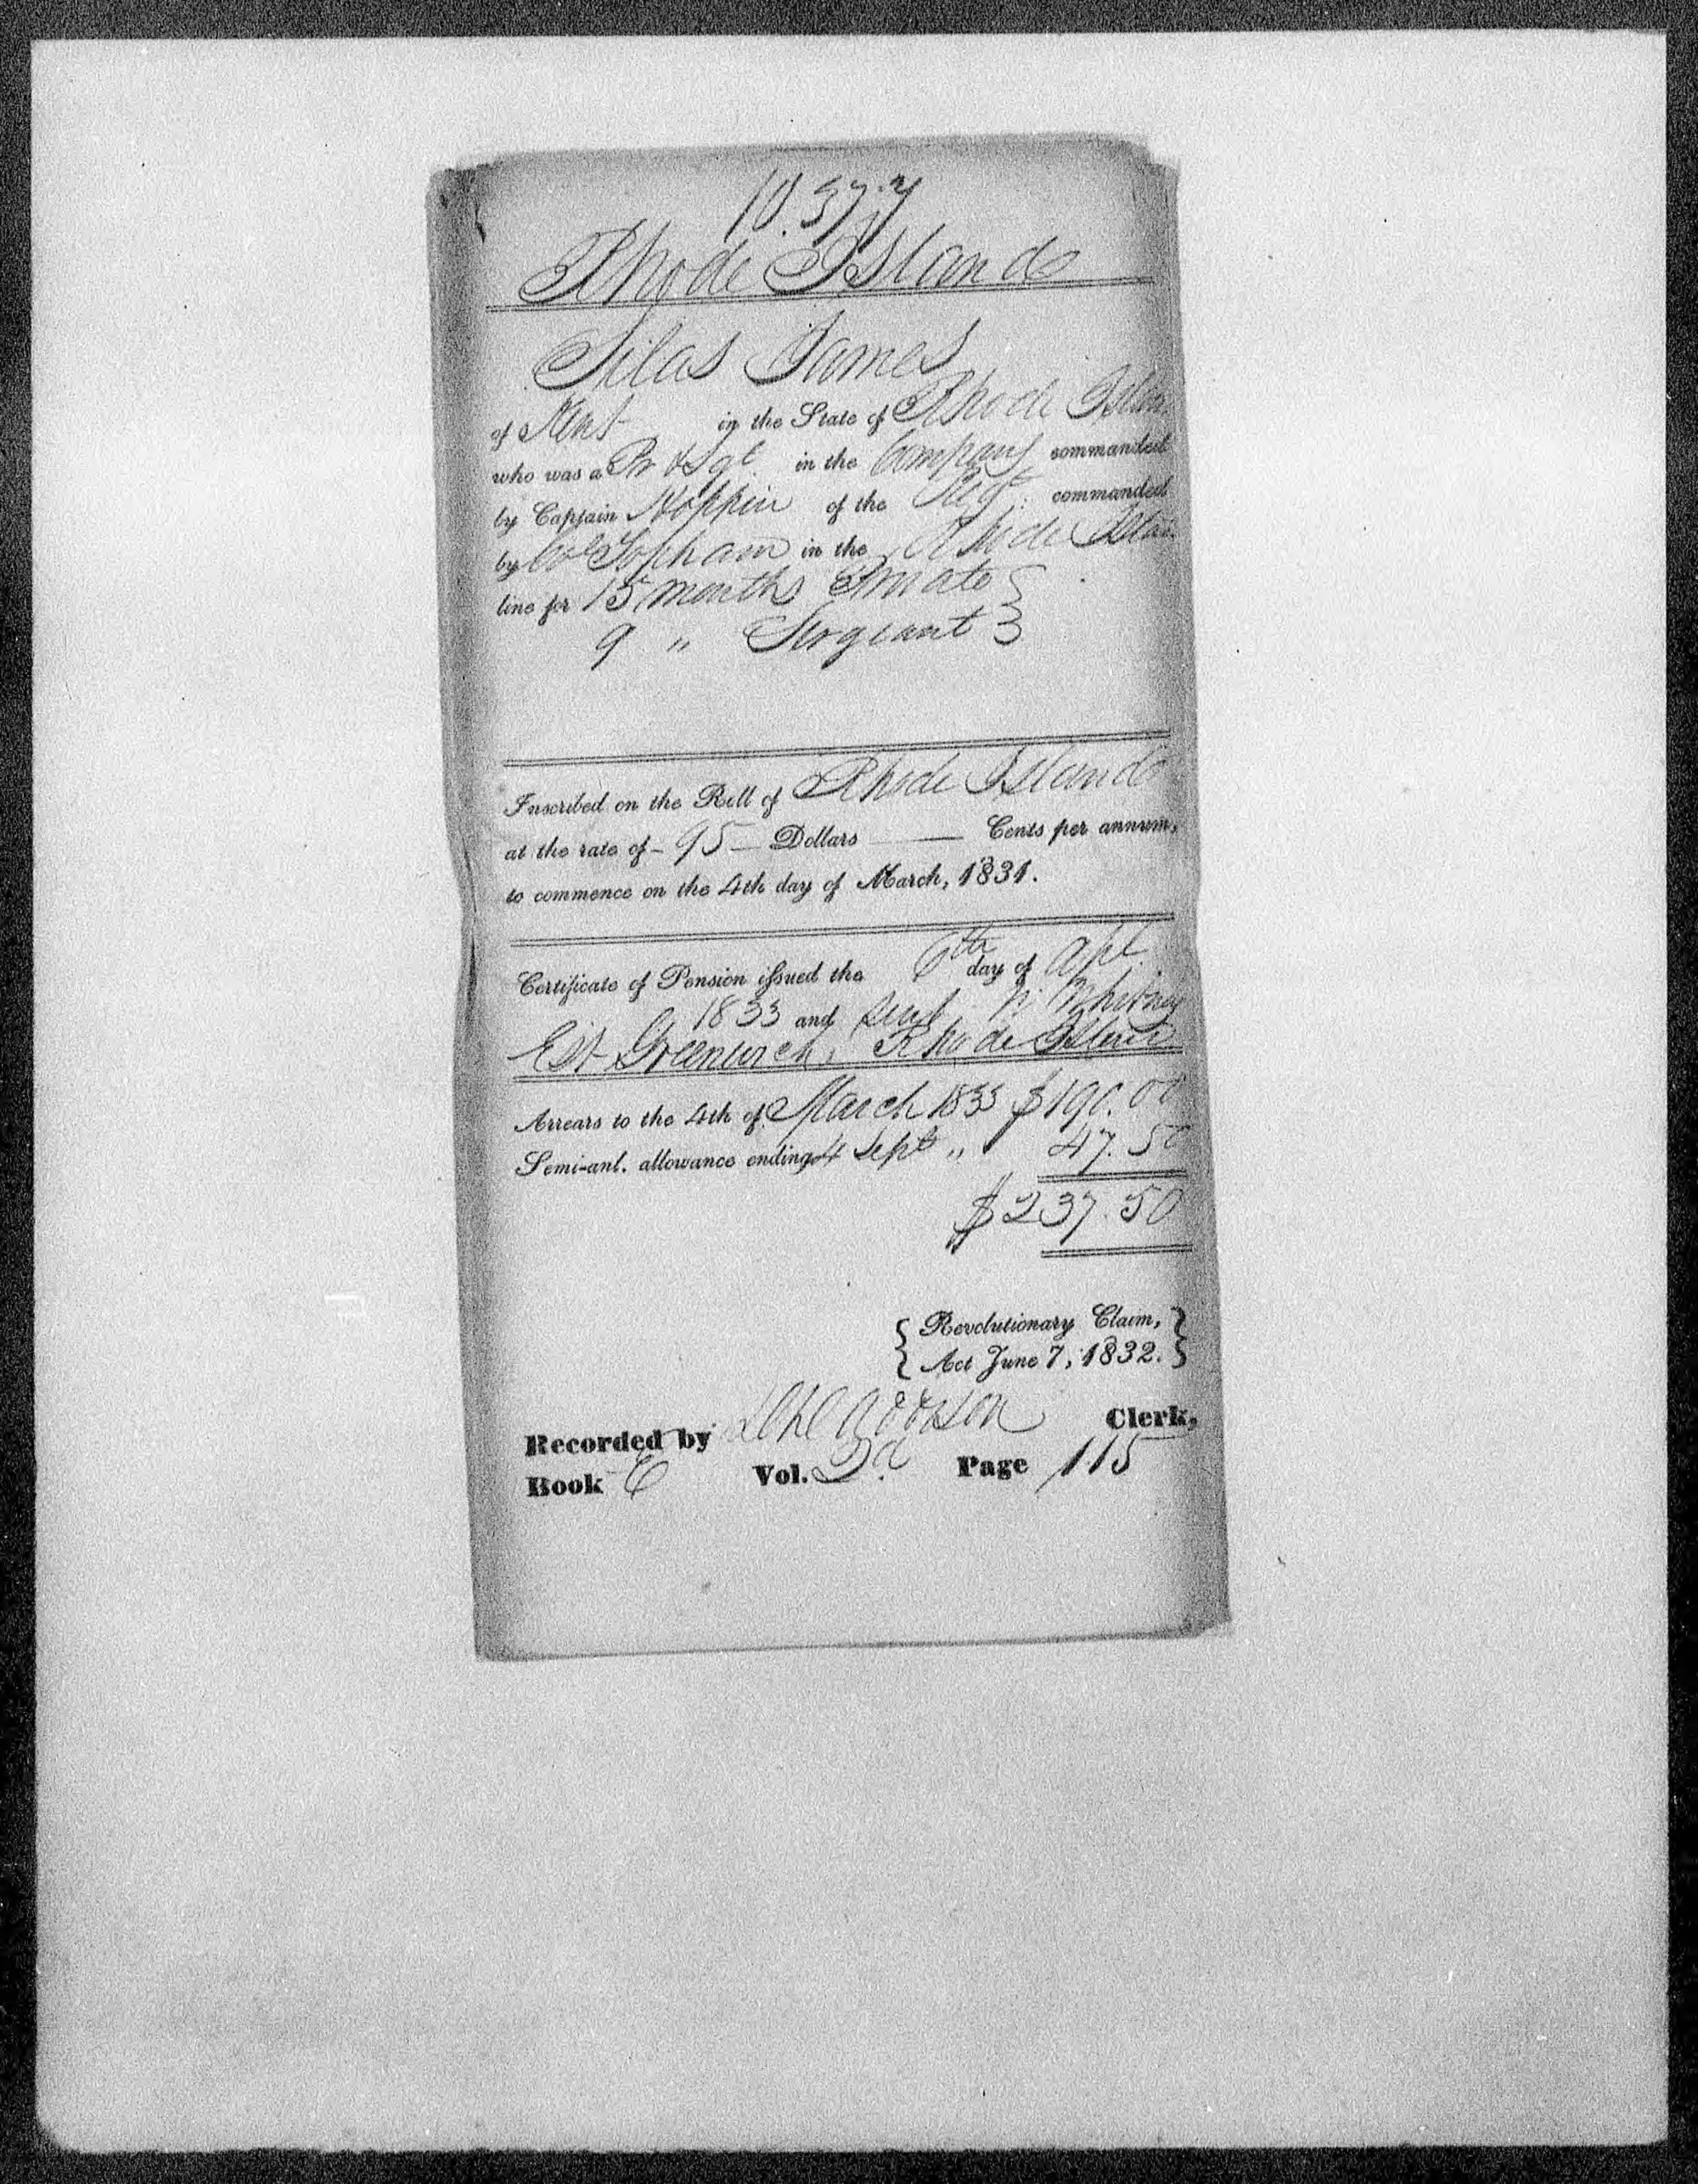10,377
Rhode Island
Silas James
of Kent in the State of Rhode Island who was a Pri & Sgt. in the Company commanded by Captain Hoppin of the Regt commanded by Col. Topham in the Rhode Island line for 15 months Private
9" Sergeant }

Inscribed on the Roll of Rhode Island at the rate of 95 Dollars [blank] Cents per annum, to commence on the 4th day of March, 1831.

Certificate of Pension issued the 6th day of Apl. 1833 and sent N Whiting Est Greenwich, Rhode Island

Arrears to the 4th of March 1833 $190.00
Semi-anl. allowance ending 4 Sept " 47.50
$237.50

{Revolutionary Claim, Act June 7, 1832.}

Recorded by DD Addison Clerk
Book E Vol. 2d. Page 115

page: 3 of 41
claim: widow's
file: W. 24728, for Silas James, Rhode Island